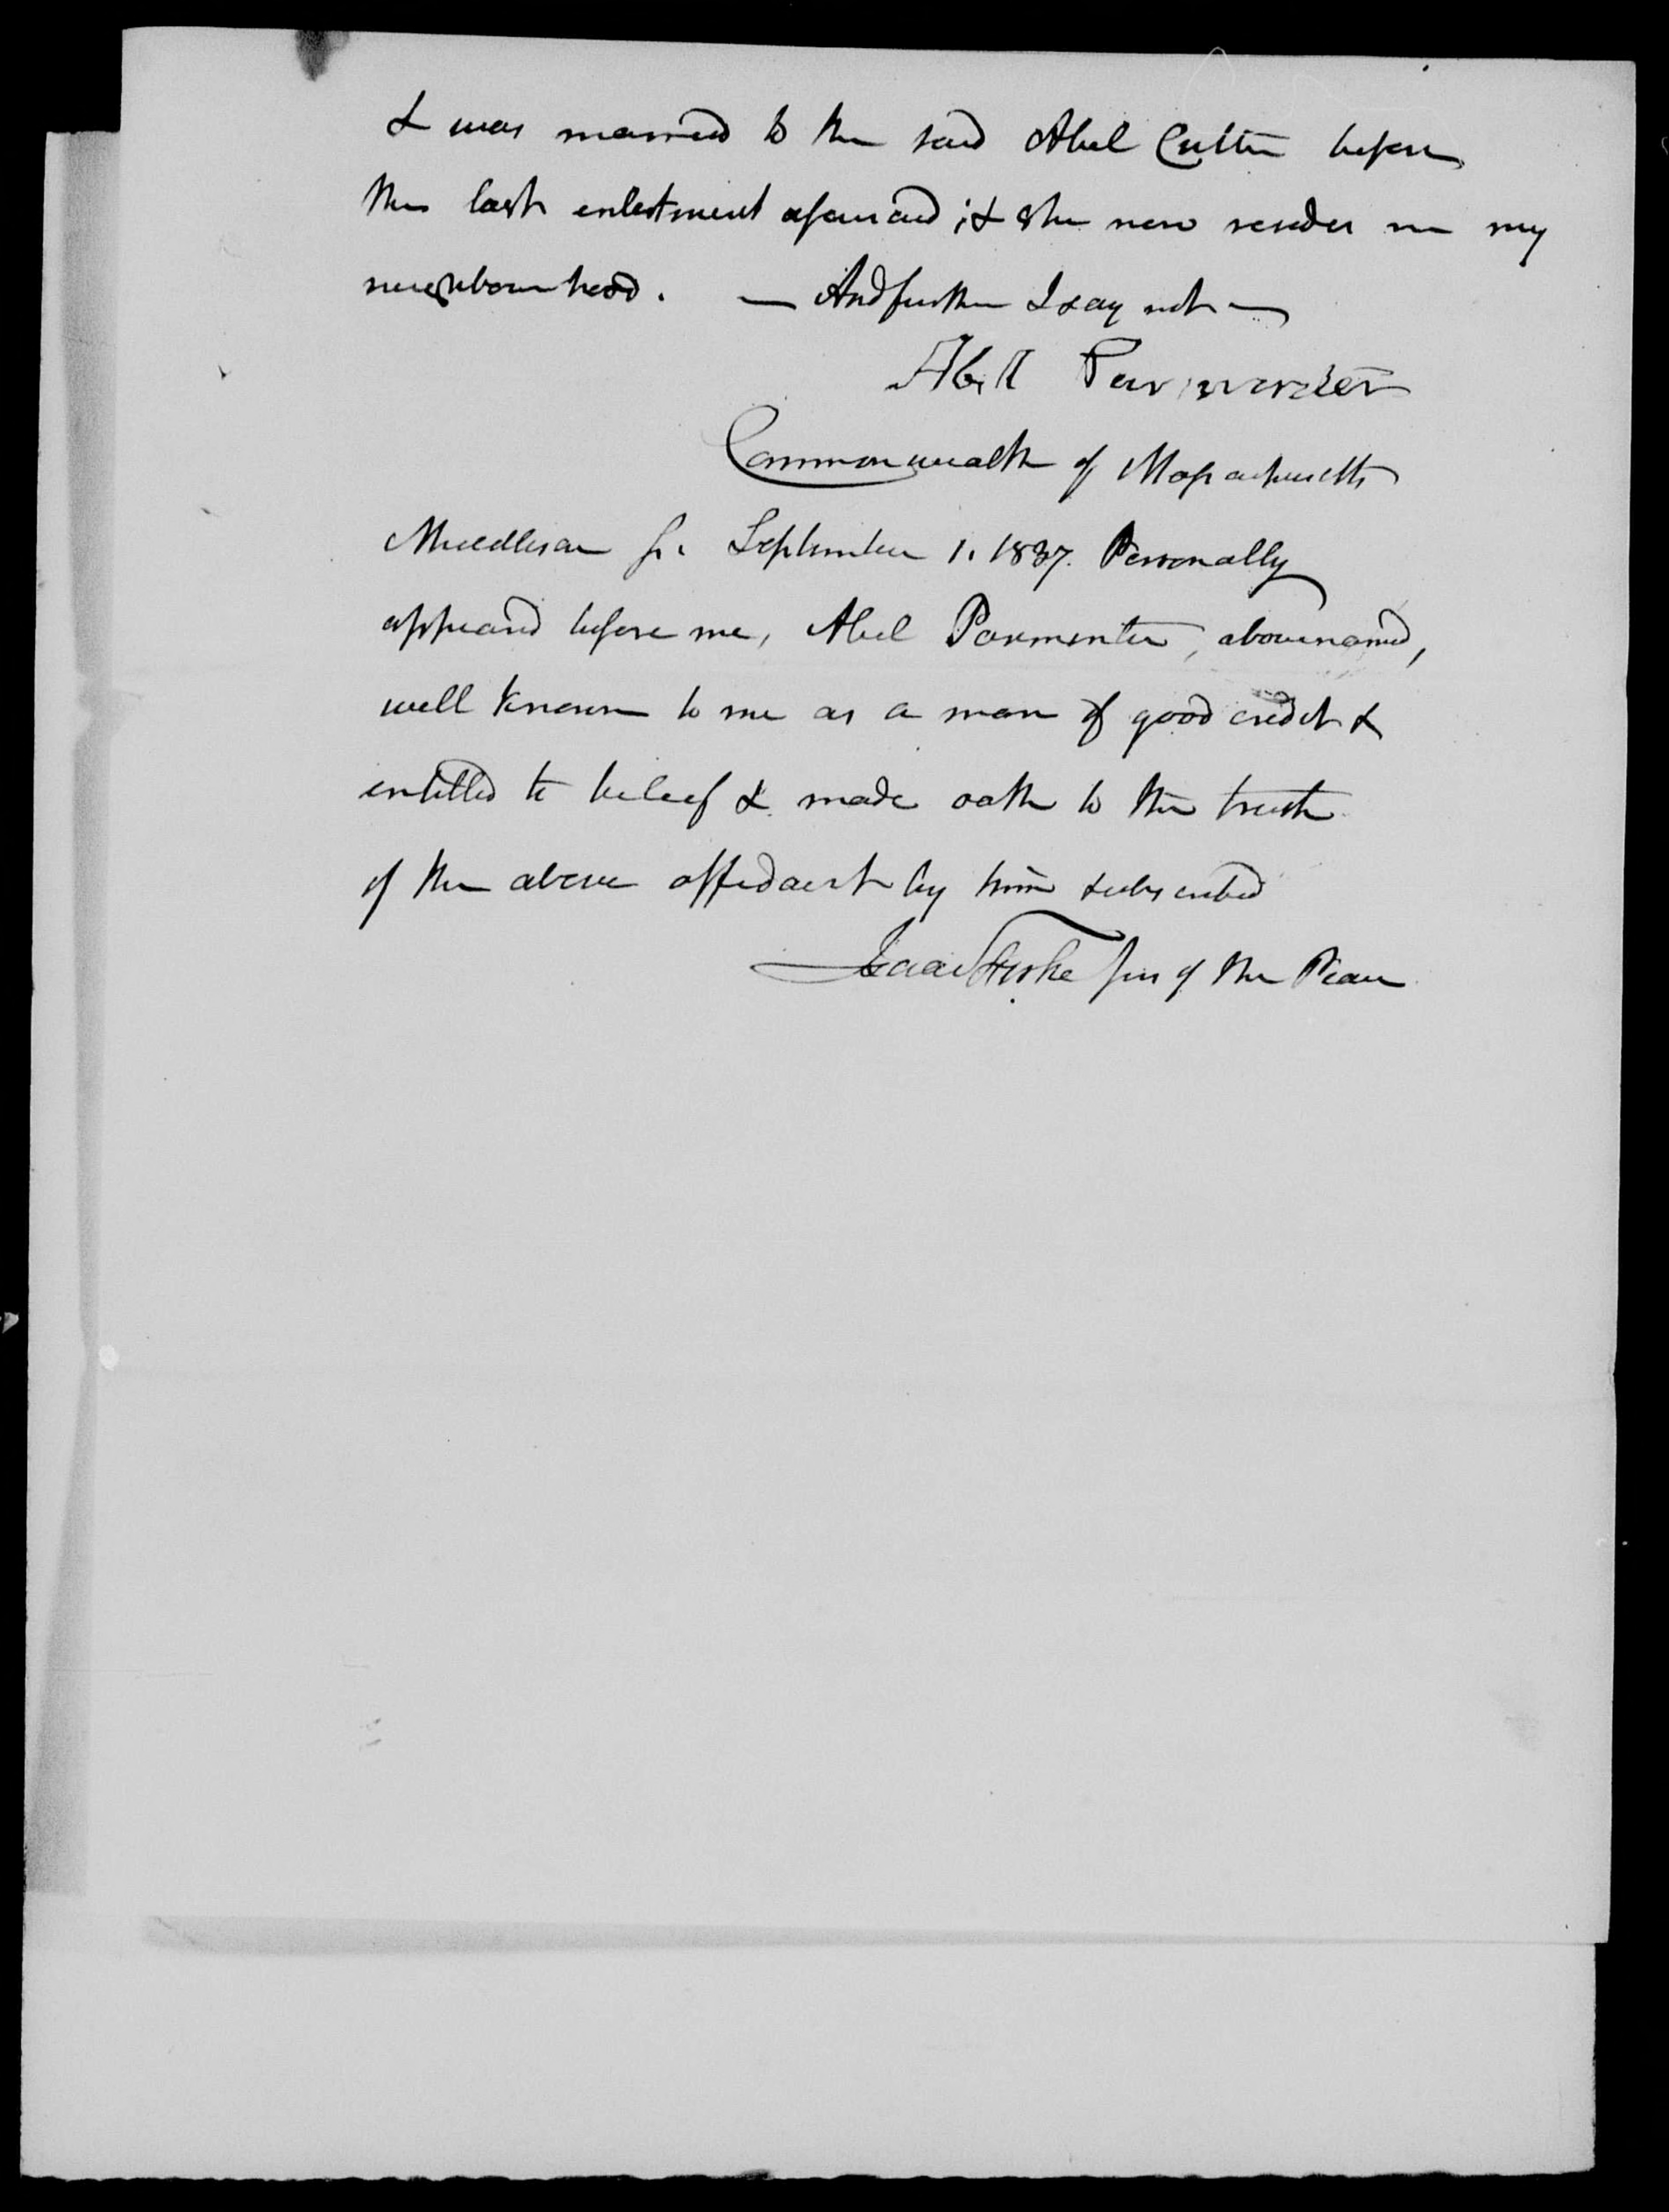and was married to the said Abel Cutler before the last enlistment aforesaid; and she now resides in my neighborhood. And further I say not, Abel Parmenter
Commonwealth of Massachusetts
Middlesex; September 1, 1837, Personally appeared before me, Abel Parmenter, above-named, well known to me as a man of good credit and entitled to belief and made oath to the truth of the above affidavit by him duly [illegible]
Isaac Fiske Jus of the Peace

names: Isaac Fiske, Abel Cutler, Abel Parmenter, Abel Parmenter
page: 16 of 22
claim: widow's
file: W. 14,552, Abel Cutler, Mass.